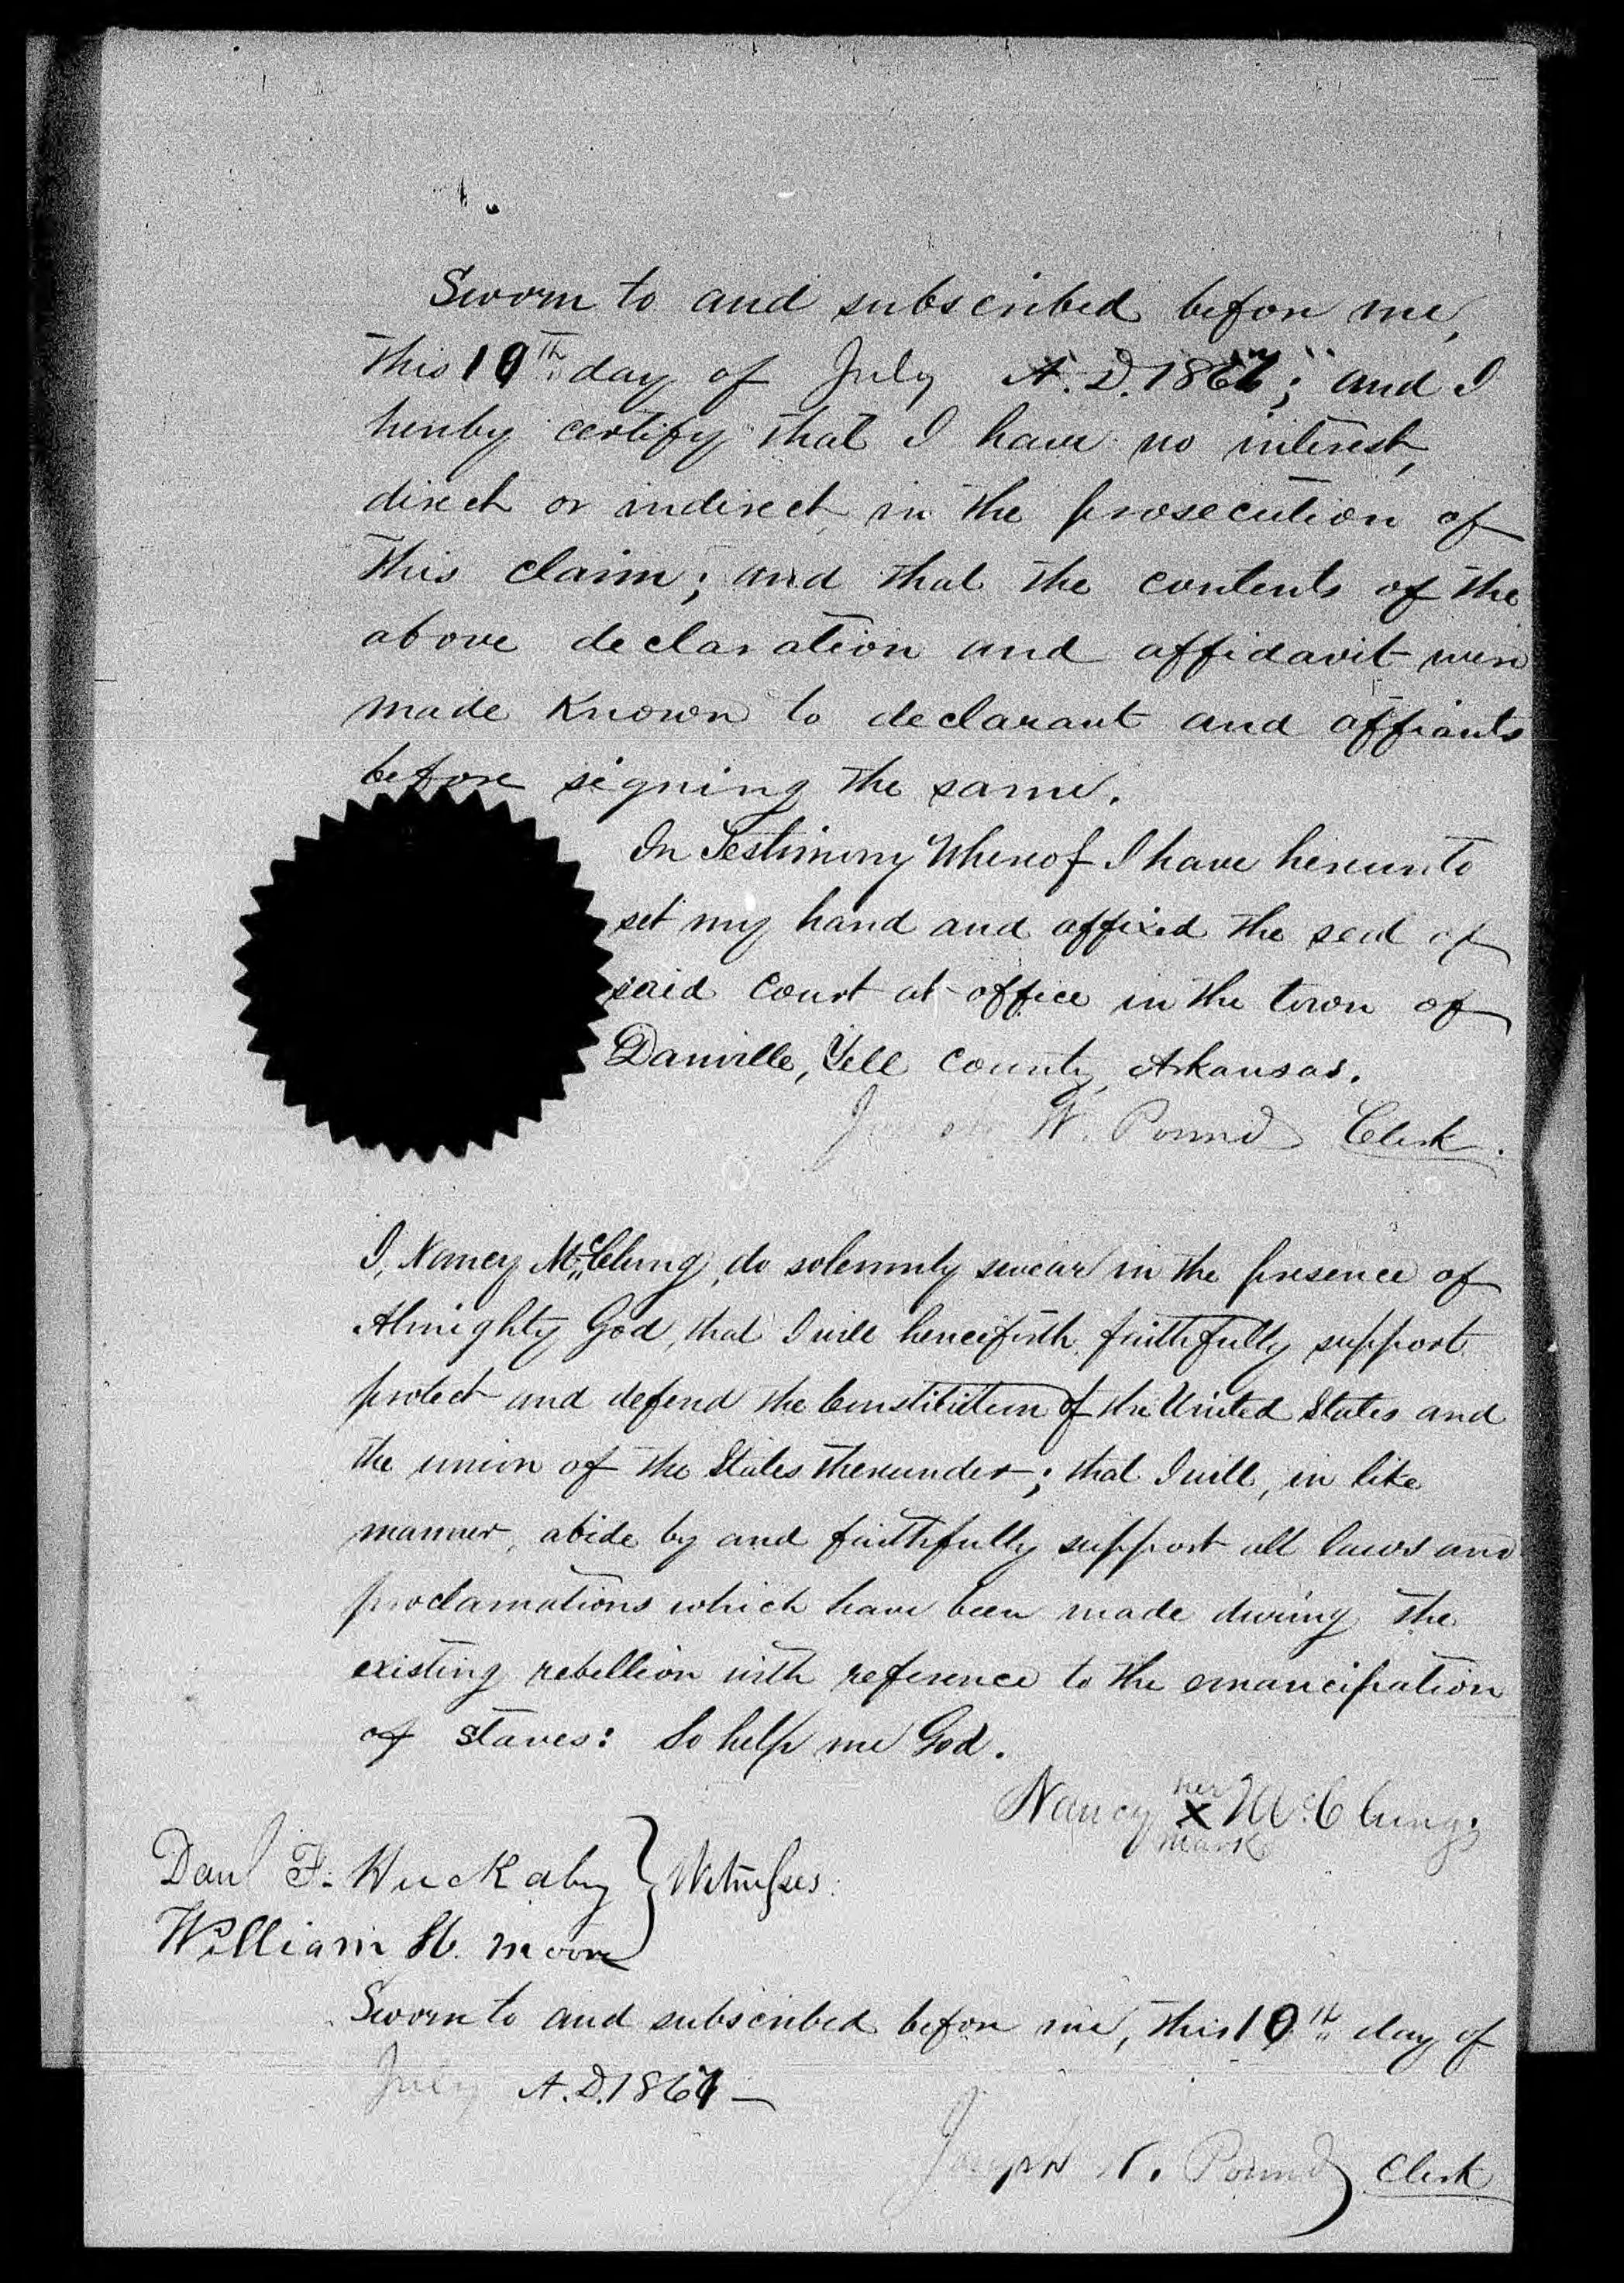Sworn to and subscribed before me this 19th day of July A.D. 1867; and I hereby certify that I have no interest direct or indirect in the prosecution of this claim, and that the contents of the above declaration and affidavit were made known to declarant and affiants before signing the same,

In Testimony whereof I have hereunto set my hand and affixed the seal of said Court at office in the town of Danville, Yell County Arkansas
James W Pounds Clerk

I, Nancy McCling do solemnly swear in the presence of Almighty God, that I will henceforth faithfully support protect and defend the Constitution of the United States and the union of the states  thereunder; that I will in like manner, abide by and faithfully support all laws and proclamations which have been made during the existing rebellion with reference to the emancipation of slaves: So help me God.
[signed] Nancy X McClung her mark
Daniel F. Huckaby 
William H. Moore Witnesses

Sworn to and subscribed before me, this 16th day of July A.D. 1867 -
J R Pounds Clerk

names: Joseph W Pounds; Nancy Mc Clung; Danl F Huckabey; William H Moore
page: 115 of 115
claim: widow's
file: W. 1446, for John Mc Clung, South Carolina